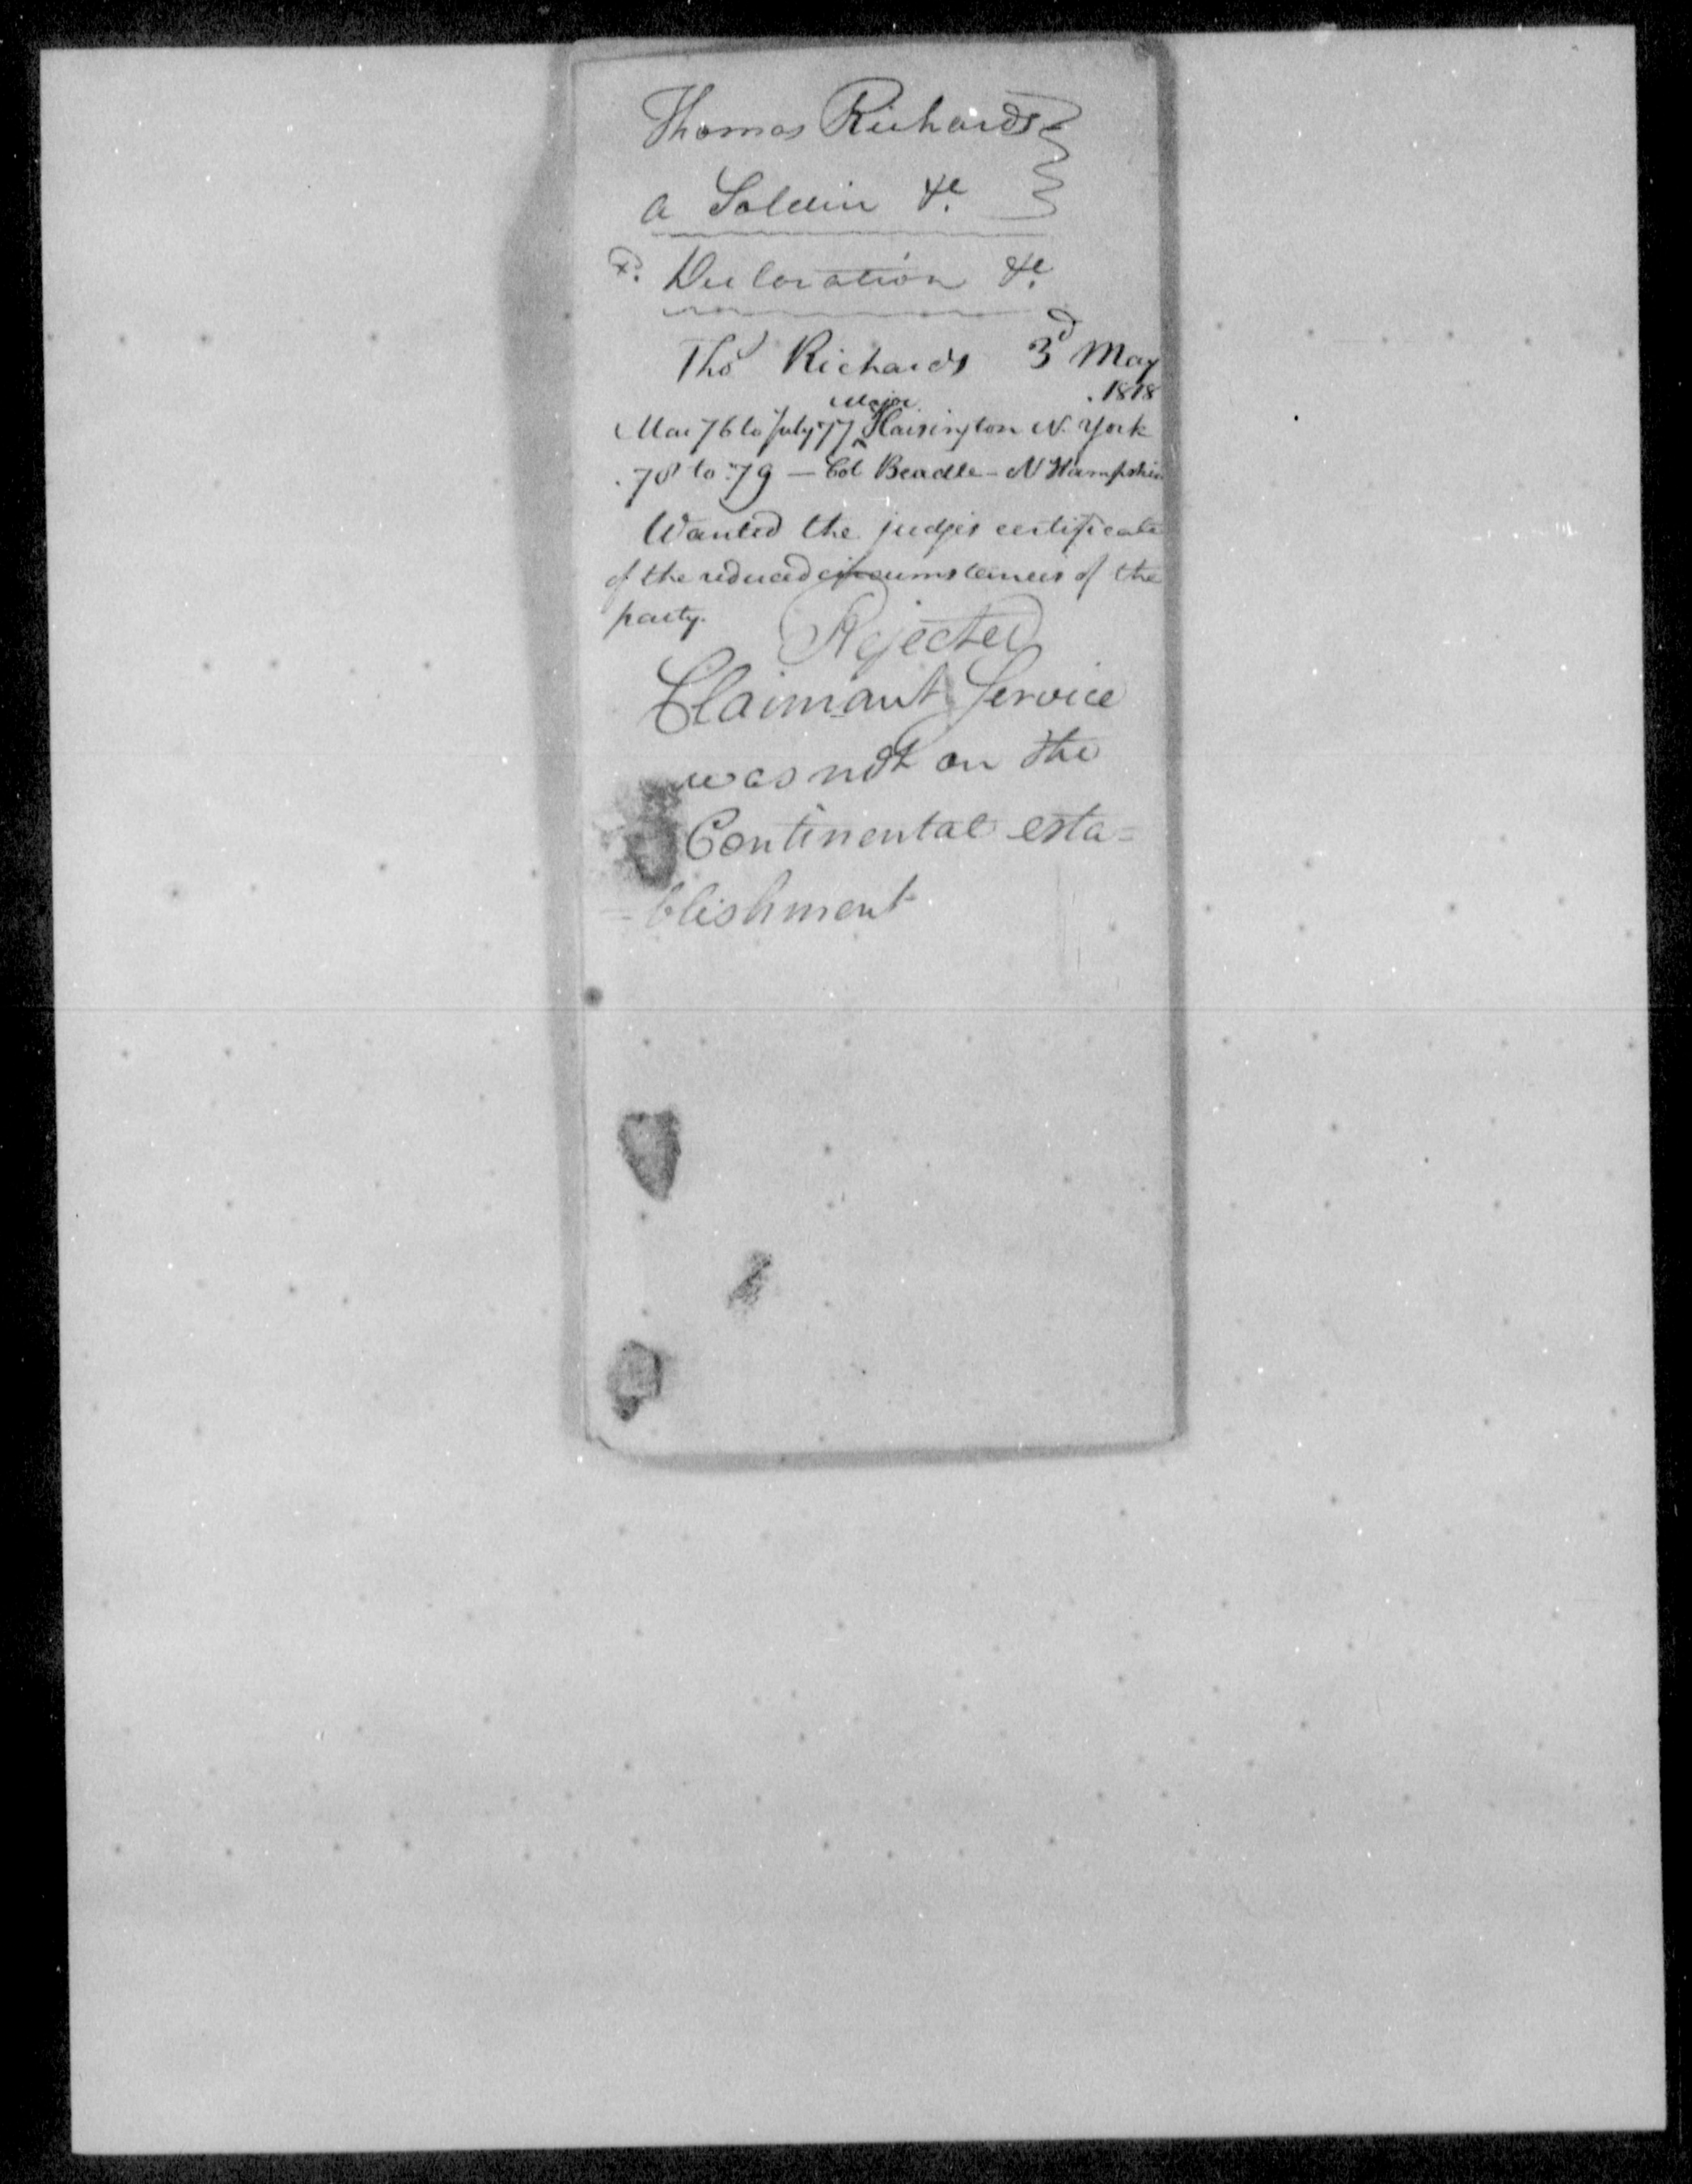Thomas Richards a Soldier &c [ETC.]
Ⓧ Declaration &c
Thos [THOMAS] Richards 3d May 1818
Mar [17]76 to July [17]77 Major Hoisington N. [NEW] York
[17]78 to [17]79- Col [COLONEL] Beadle N [NEW] Hampshire
Wanted the judge's certificate of the reduced circumstances of the party

Rejected
Claimants [sic] service was not on the Continental establishment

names: Thomas Richards; [BLANK] Beadle; Thos Richards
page: 4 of 109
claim: widow's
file: W. 5709, for Thomas Richards, New Hampshire